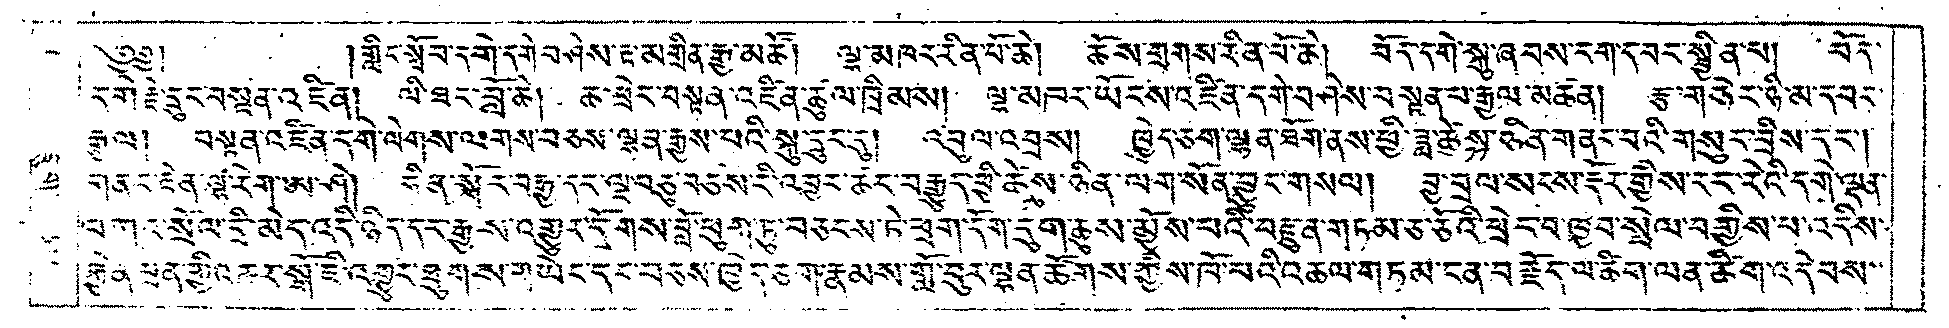༄༅། །གླིང་སློབ་དགེ་དགེ་བཤེས་རྟ་མགྲིན་རྒྱ་མཚོ། ལྷ་མཁར་རིན་པོ་ཆེ། ཆོས་གྲགས་རིན་པོ་ཆེ། བོད་དགེ་སྐུ་ཞབས་ངག་དབང་སྦྱིན་པ། བོད་
དགེ་རྗེ་དྲུང་བསྟན་འཛིན། ལི་ཐང་བློ་ཆེ། ཆ་ཕྲེང་བསྟན་འཛིན་ཚུལ་ཁྲིམས། ལྷ་མཁར་ཡོངས་འཛིན་དགེ་བཤེས་བསྟན་པ་རྒྱལ་མཚན། རྩ་གཉེར་ཉི་མ་དབང་
རྒྱལ། བསྟན་འཛིན་དགེ་ལེགས་ལགས་བཅས་ལྷན་རྒྱས་པའི་སྐུ་དྲུང་དུ། འབུལ་འབྲས། ཁྱེད་ཅག་ལྷན་ཐོག་ནས་ཕྱི་ཟླ་ཚེས ༡༡་ཉིན་གནང་བའི་གསུང་བྲིས་དང་།
གནང་རྟེན་ལྷ་རེག་ཨ་ཤེ། ཧིན་སྒོར་བརྒྱ་དང་ལྔ་བཅུ་བཅས་རི་འབྱར་ཚང་བརྒྱུད་ཕྱི་ཚེས ༡༦་ཉིན་ལག་སོན་བྱུང་གསལ། བྱ་བྲལ་སངས་རྡོར་གྱིས་རང་རེའི་དགེ་ལྡན་
བཀའ་སྲོལ་དྲི་མེད་འདི་ཉིད་དར་རྒྱས་འགྱུར་དྭོགས་བློ་ཕུག་ཏུ་བཅངས་ཏེ་ཕྲག་དོག་དུག་ཆུས་མྱོས་པའི་བརྫུན་གཏམ་ཅ་ཅོའི་ཕྲེང་བ་ཁྱབ་སྤེལ་བགྱིས་པ་འདིས་
རྐྱེན་ཕྲན་གྱི་འཆར་སྒོ་ཇི་འགྱུར་ཐུགས་གཡེང་དང་བཅས་ཁྱེད་ཅག་རྣམས་གློ་བུར་ལྷན་ཚོགས་ཀྱིས་ཁོ་པའི་འཆལ་གཏམ་ངན་བརྗོད་ལ་ཚིག་ལན་ཚིག་འདེབས་